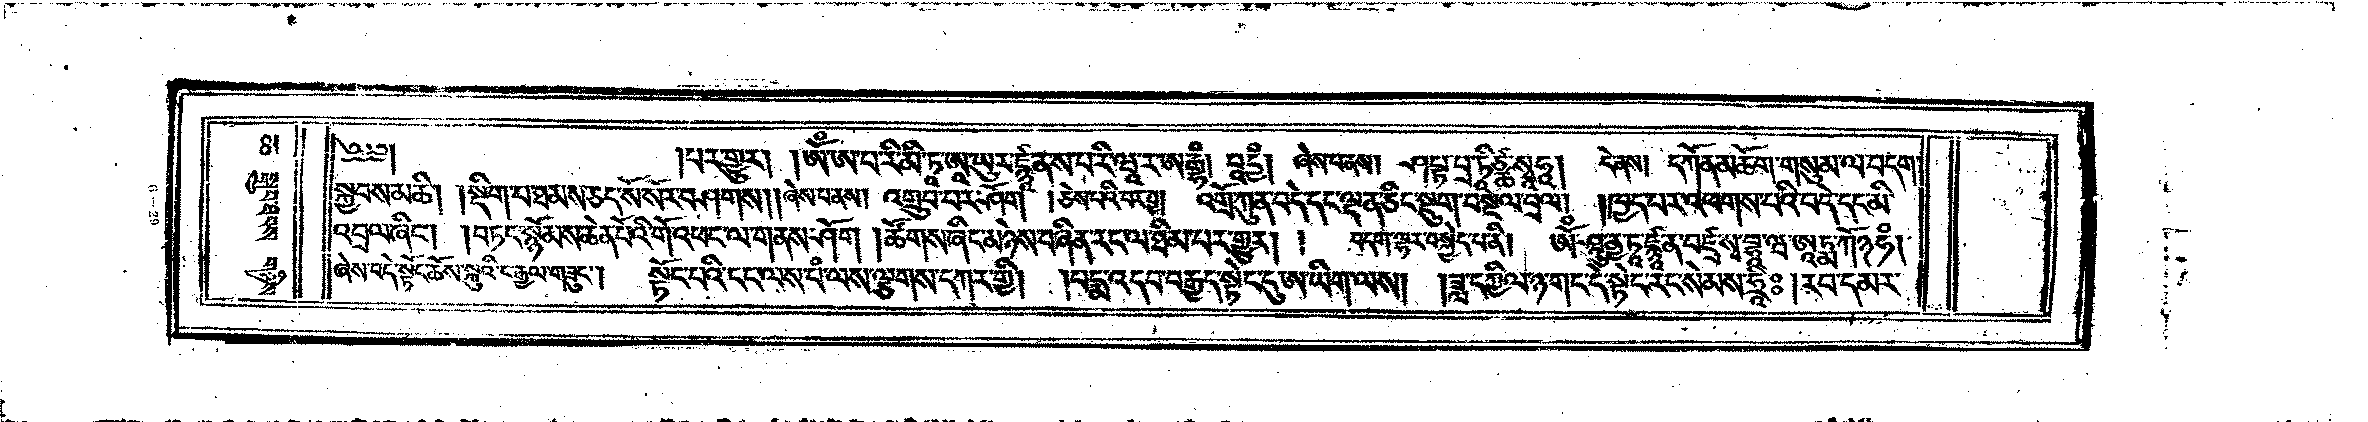༄༅༅། །པར་གྱུར། །ཨོཾ་ཨ་པ་རི་མི་ཏཱ་ཨཱ་ཡུར་ཛྙཱ་ན་ས་པ་རི་ཝཱ་ར་ཨརྒྷཾ། བཱདྱཾ། ཞེས་པ་ནས།  ཤཔྟ་པྲ་ཏཱི་ཙྪ་སྭཱཧཱ། དེ་ནས།  དཀོན་མཆོག་གསུམ་ལ་བདག་
སྐྱབས་མཆི། །སྡིག་པ་ཐམས་ཅད་སོ་སོར་བཤགས། །ཞེས་པ་ནས།  འགྲུབ་པར་ཤོག་།ཅེས་པའི་བར་བྱ།  འགྲོ་ཀུན་བདེ་དང་ལྡན་ཅིང་སྡུག་བསྔལ་བྲལ། །ཁྱད་པར་འཕགས་པའི་བདེ་དང་མི་
འབྲལ་ཞིང་། །བཏང་སྙོམས་ཆེན་པོའི་གོ་འཕང་ལ་གནས་ཤོག །ཚོགས་ཞིང་མཉེས་བཞིན་རང་ལ་ཐིམ་པར་གྱུར། །བདག་ལྟར་བསྐྱེད་པ་ནི།  ཨོཾ་ཤཱུ་ནྱ་ཏཱ་ཛྙཱ་ན་བཛྲ་སྭ་བྷཱ་ཝ་ཨཱ་ཏྨ་ཀོཉ་ཧཾ།
ཞེས་བདེ་སྟོང་ཆོས་སྐུའི་ང་རྒྱལ་གཟུང་།  སྟོང་པའི་ངང་ལས་པཾ་ལས་ལྕགས་དཀར་གྱི། །པདམ་འདབ་བརྒྱད་སྟེང་དུ་ཨ་ཡིག་ལས། །ཟླ་དཀྱིལ་ཉ་གང་དེ་སྟེང་རང་སེམས་ཧྲཱིཿ། རབ་དམར་